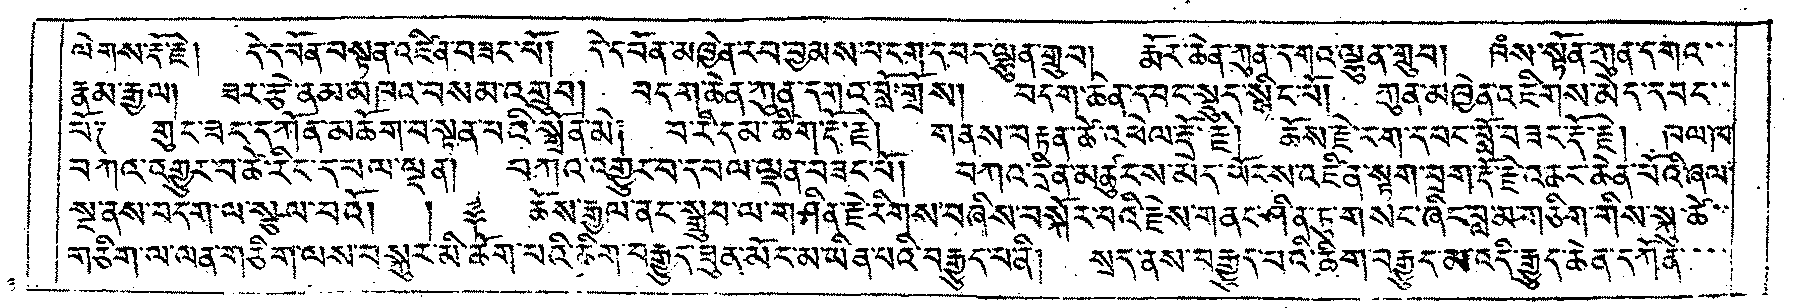ལེགས་རྡོ་རྗེ། དེ་དབོན་བསྟན་འཛིན་བཟང་པོ། དེ་དབོན་མཁྱེན་རབ་བྱམས་པ་ངག་དབང་ལྷུན་གྲུབ། རྨོར་ཆེན་ཀུན་དགའ་ལྷུན་གྲུབ། ཁམས་སྟོན་ཀུན་དགའ་
རྣམ་རྒྱལ། ཐར་རྩེ་ནམ་མཁའ་བསམ་འགྲུབ། བདག་ཆེན་ཀུན་དགའ་བློ་གྲོས། བདག་ཆེན་དབང་སྡུད་སྙིང་པོ། ཀུན་མཁྱེན་འཇིགས་མེད་དབང་
པོ༑ གུང་ཐང་དཀོན་མཆོག་བསྟན་པའི་སྒྲོན་མེ། བ་རི་དམ་ཚིག་རྡོ་རྗེ། གནས་བརྟན་ཚེ་འཕེལ་རྡོ་རྗེ། ཆོས་རྗེ་ངག་དབང་བློ་བང་རྡོ་རྗེ། ཁལ་ཁ་
བཀའ་འགྱུར་བ་ཚེ་རིང་དཔལ་ལྡན། བཀའ་འགྱུར་བ་དཔལ་ལྡན་བཟང་པོ། བཀའ་དྲིན་མཚུངས་མེད་ཡོངས་འཛིན་སྟག་བྲག་རྡོ་རྗེ་འཆང་ཆེན་པོའི་ཞལ་
སྔ་ནས་བདག་ལ་སྩལ་བའོ། །༈ ཆོས་རྒྱལ་ནང་སྒྲུབ་ལ་གཤིན་རྗེ་རིགས་བཞིས་བསྐོར་བའི་རྗེས་གནང་ཤིན་ཏུ་གསང་ཞིང་བླ་མ་གཅིག་གིས་སྐུ་ཚེ་
གཅིག་ལ་ལན་གཅིག་ལས་བསྐུར་མི་ཆོག་པའི་ཚིག་བརྒྱུད་ཐུན་མོང་མ་ཡིན་པའི་བརྒྱུད་པ་ནི། སྲད་ནས་བརྒྱུད་པའི་ཚིག་བརྒྱུད་མ་འདི་རྒྱུད་ཆེན་དཀོན་